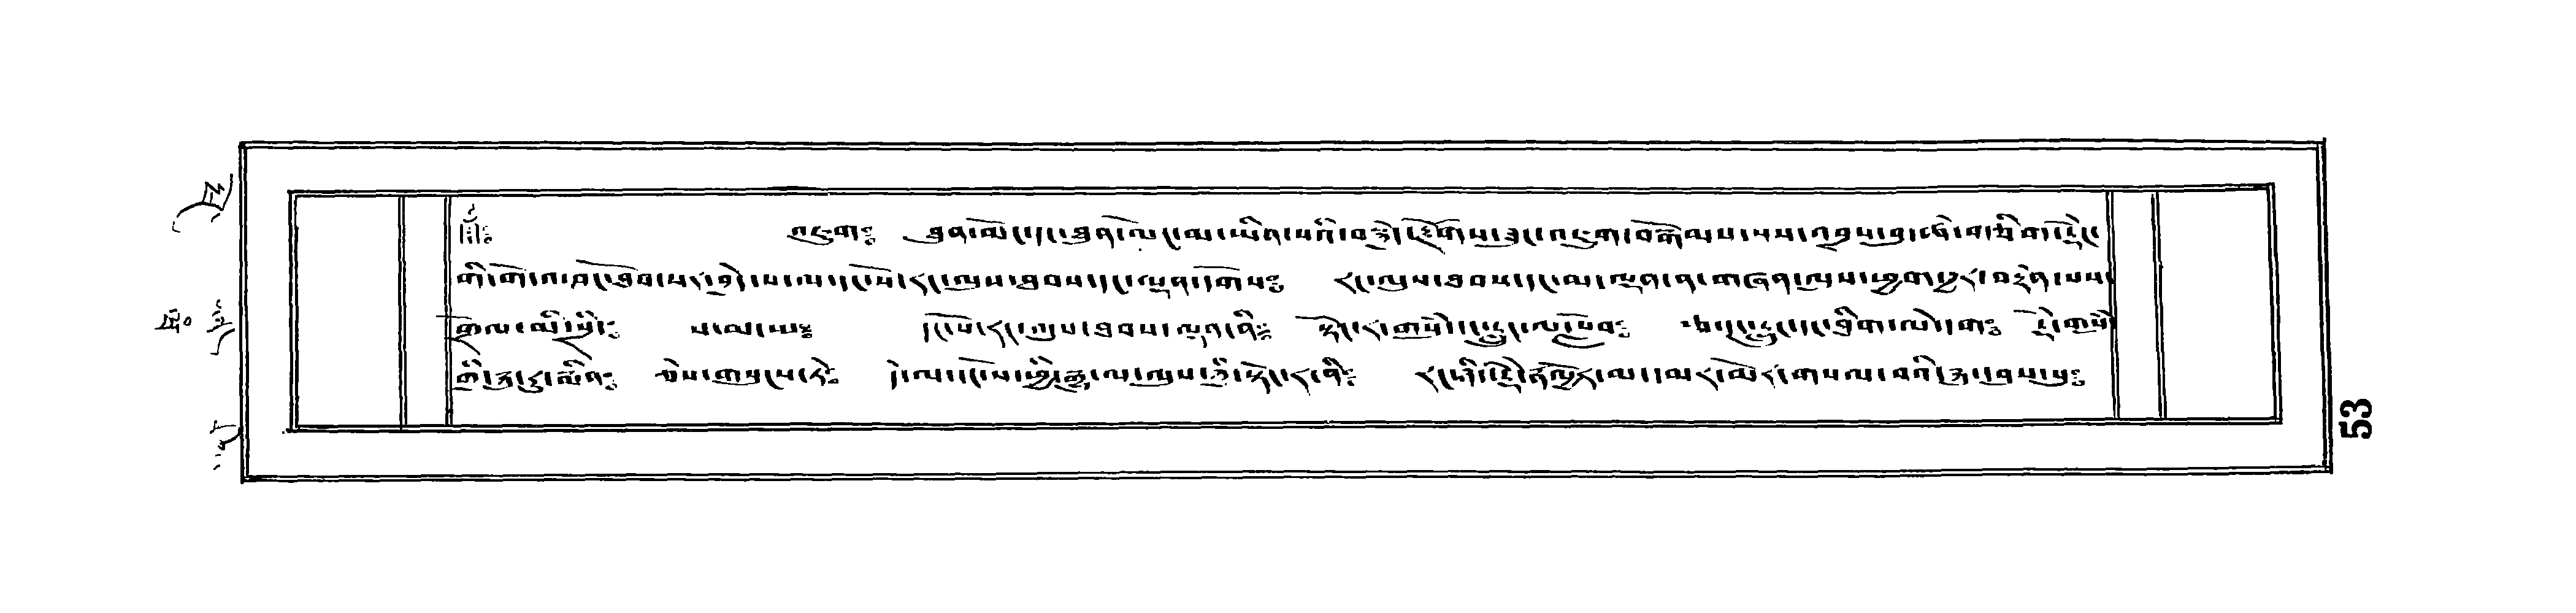འཇུག༔ ཐུན་མོང་དང་ཐུན་མོང་མ་ཡིན་པའི་བསྐྱེད་རྫོགས་ཟུང་འཇུག་བསྒོམས་པས་འབྲས་བུ་ཚེ་གཅིག་རྡོ་རྗེ་འཆང་
གི་གོ་འཕང་ཐོབ་པར་བྱེད་པ་ལ་དང་པོ་རང་ལུས་ཐབས་དང་ལྡན་དགོས༔ རང་ལུས་ཐབས་དང་མ་ལྡན་ན་གཞན་ལུས་ཕྱག་རྒྱར་བརྟེན་པས་
་མི་སྲིད༔ ས་མ་ཡ༔ དང་པོ་རང་ལུས་ཐབས་ལྡན་ནི༔ སྟོང་ར་གསུམ་དང་རླུང་ལ་སློབ༔ རྩ་དང་རླུང་དང་ཐིག་ལེ་དག༔ རྡོ་རྗེ་གསུམ་
གྱི་སྐུ་རུ་སྨིན༔ ཅེས་གསུངས་ཏེ༔ དེ་ལ་དང་པོ་ཕྱི་སྒྱུར་ལ་ལུས་ཀྱི་སྟོང་ར་ནི༔ རང་ཉིད་རྡོ་རྗེ་རྣལ་འབྱོར་མ་དམར་མོར་གསལ་བའི་སྐུ་དབུས་སུ༔